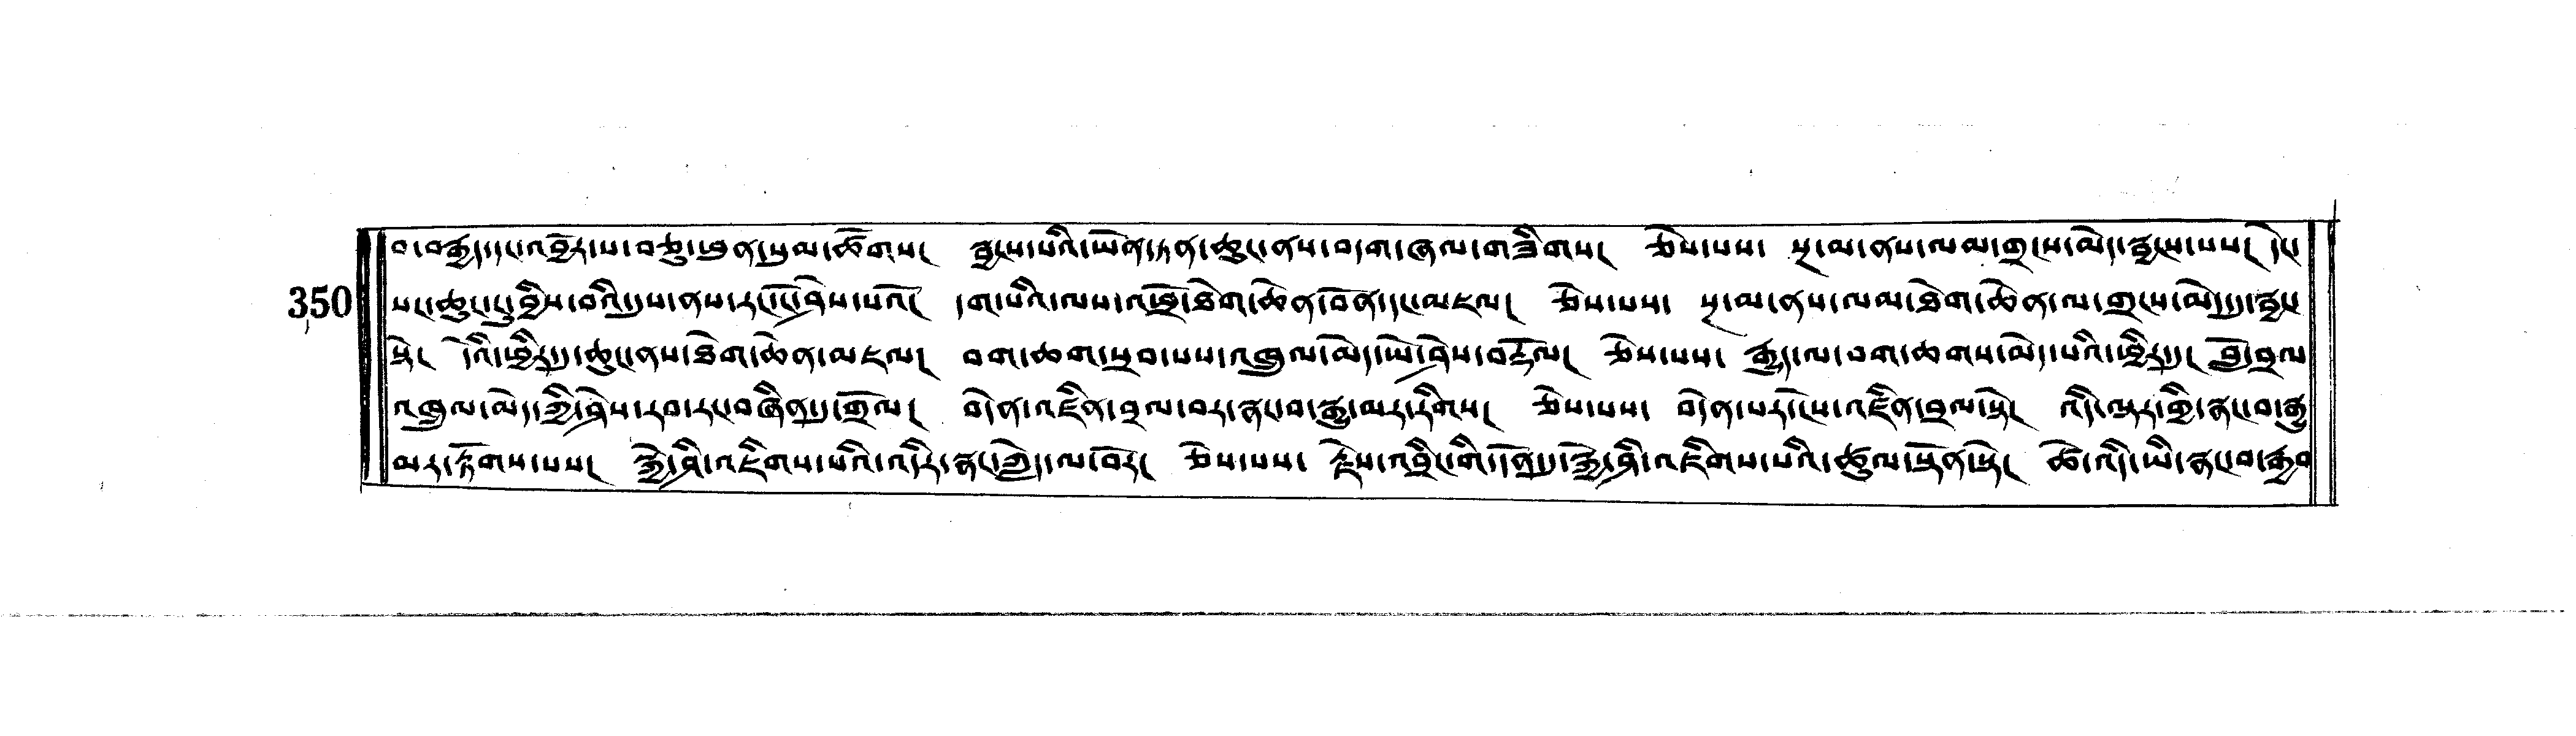བ་བརྒྱད་དང་འབྱོར་བ་བཅུ་ཕུན་སུམ་ཚོགས། སྦྱངས་པའི་ཡོན་ཏན་ཆུང་ནས་བདག་ཞལ་གཟིགས། ཅེས་པས་སྔ་མ་ནས་ལམ་གྲངས་མེད་སྦྱངས་པས། དེང་
སང་ཆུང་ངུ་བྱིས་པའི་དུས་ནས་རང་ངོ་ཤེས་པའོ། དག་པའི་ལས་འཕྲོ་ཐེག་ཆེན་བོན་དང་མཇལ། ཅེས་པས། སྔ་མ་ནས་ལམ་ཐེག་ཆེན་ལ་གྲངས་མེད་དུ་སྦྱང་
སྟེ། དེའི་ཕྱིར་དུ་ཆུང་ནས་ཐེག་ཆེན་མཇལ། བག་ཆགས་སྲབ་པས་འཁྲུལ་མེད་ཡེ་ཤེས་བརྡོལ། ཅེས་པས་རྒྱུད་ལ་བག་ཆགས་མེད་པའི་ཕྱིར་དུ། བློ་བྲལ་
འཁྲུལ་མེད་ཀྱི་ཤེས་རབ་རང་བཞིན་དུ་གྲོལ། བདེན་འཛིན་བྲལ་བར་སྣང་བ་སྒྱུ་མར་རིགས། ཅེས་པས། བདེན་པར་ངོས་འཛིན་བྲལ་ཏེ། འདི་ལྟར་གྱི་སྣང་བ་སྒྱུ་
མར་རྟོགས་པས། སྐྱེ་ཤི་འཇིགས་པའི་འདིར་སྣང་གླད་ལ་བོར། ཅེས་པས། རྗེས་འབྲེང་གི་དོན་དུ་སྐྱེ་ཤི་འཇིགས་པའི་ཚུལ་སྟོན་ཏེ། ཚེ་འདི་ཡི་སྣང་བ་རྒྱབ་